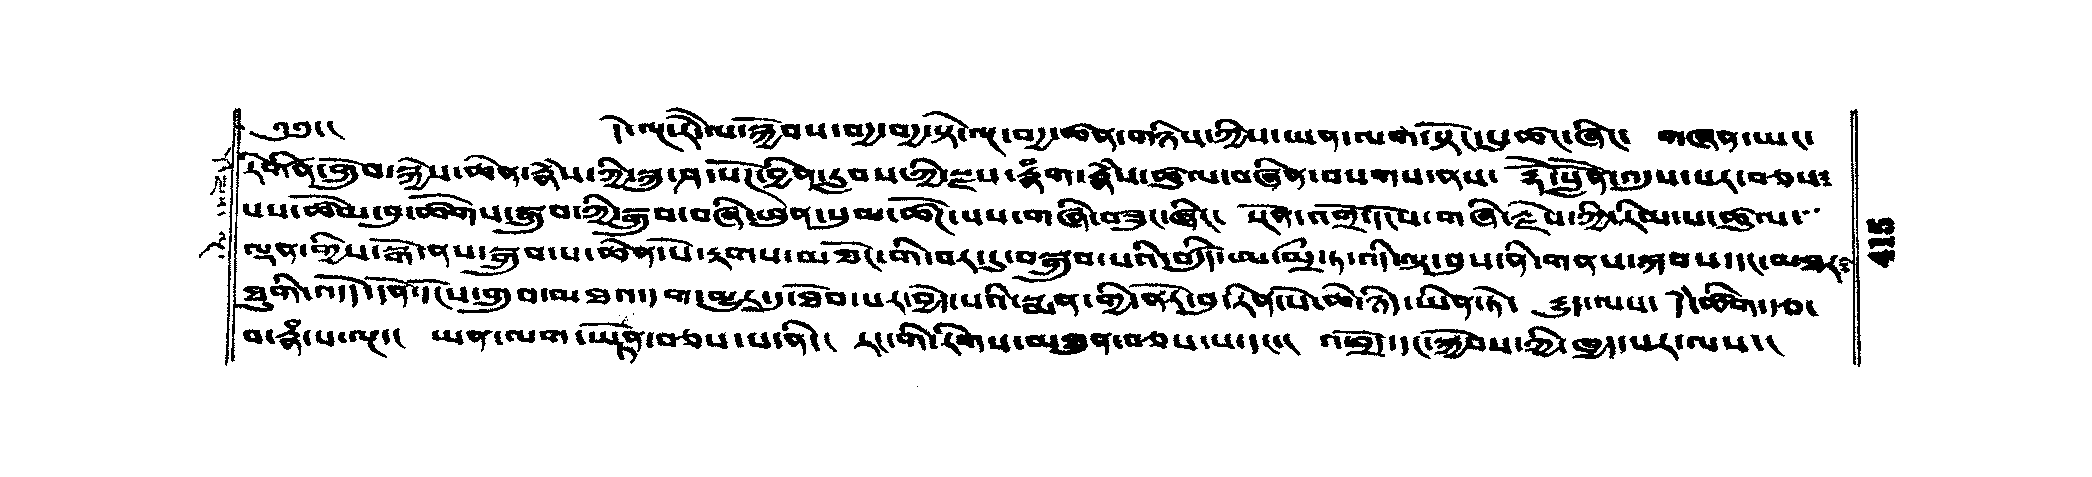དེ་ལྔ་རེ་རེ་ལ་སྐྱོབས་བརྒྱ་བརྒྱ་སྟེ་ལྔ་བརྒྱ་ཚན་གཉིས་ཀྱིས་ཡན་ལག་སྟོང་དུ་ཚང་ཞིང་། གཞན་ཡང་
རིག་འཛིན་གྲུབ་ཐོབ་སྐྱེས་ཆེན་རྣམས་ཀྱི་སྐུ་ཤ་སོགས་བྱིན་རླབས་ཀྱི་རྫས་རྣམ་དག་རྣམས་ཚུལ་བཞིན་བསགས་ནས། རྡོ་རྗེ་སློབ་དཔོན་འདུས་པར་བཅས་
པས་ཚོམ་བུ་ཚོགས་སྒྲུབ་ཀྱི་སྒྲུབ་གཞི་ཕུན་སུམ་ཚོགས་པས་གཞི་བཟུང་ཞིང་། སྔོན་འགྲོ་དངོས་གཞི་རྗེས་ཀྱི་རིམ་པ་ཚུལ་
ལྡན་གྱིས་སྒོ་ནས་སྒྲུབ་པ་ཆེན་པོ་རྟགས་མཐོང་གི་བར་དུ་བསྒྲུབས་པའི་བདུད་རྩི་ཨ་མྲྀ་ཏ་འདི་ལྟ་བུས་ནི་གནས་སྐབས་དང་མཐར་
ཐུག་གི་འདོད་དོན་དངོས་གྲུབ་མཐའ་དག་མྱུར་དུ་ཐོབ་པར་བྱེད་པའི་སྨན་གྱི་ནོར་བུ་རིན་པོ་ཆེ་ཉིད་ཡིན་ཏེ། རྒྱུད་ལས། དམ་ཚིག་རྩ་
བ་རྣམ་པ་ལྔ་། །ཡན་ལག་ཡོན་ཏན་བཅས་པ་ནི། །རང་གི་རིགས་མཐུན་བཅས་པ་དང་། །འཕྲོད་དང་སྐྱོབས་ཀྱི་ཁྱད་པར་ལས། །